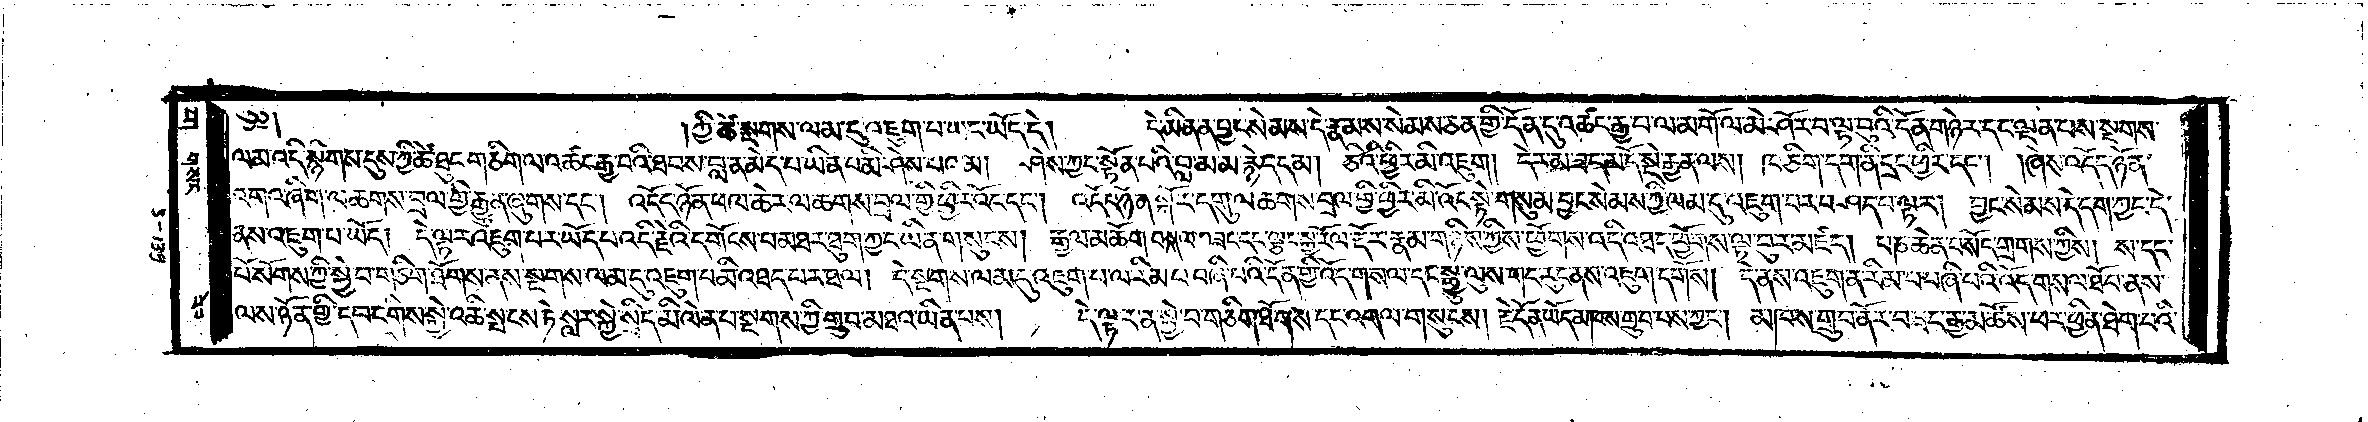༄༅། །ཀྱི་ཚེ་སྔགས་ལམ་དུ་འཇུག་པ་ཡང་ཡོད་དེ། དེ་མིན་ན་བྱང་སེམས་དེ་རྣམས་སེམས་ཅན་གྱི་དོན་དུ་འཚང་རྒྱ་བ་ལ་མགོ་ལ་མེ་ཤོར་བ་ལྟ་བུའི་དོན་གཉེར་དང་ལྡན་པས་སྔགས་
ལམ་འདི་སྙིགས་དུས་ཀྱི་ཚེ་ཐུང་གཅིག་ལ་འཚང་རྒྱ་བའི་ཐབས་བླ་ན་མེད་པ་ཡིན་པ་མི་ཤེས་པའམ། ཤེས་ཀྱང་སྟོན་པའི་བླ་མ་མ་རྙེད་དམ། ཅིའི་ཕྱིར་མི་འཇུག། དེར་མ་ཟད་མོད་སྡེ་རྒྱན་ལས། ཁ་ཅིག་དག་ནི་དྲང་ཕྱིར་དང་། །ཞེས་འདོད་ཉོན་
ངག་ཞིག་ལ་ཆགས་བྲལ་གྱི་རྒྱུན་ཞུགས་དང་། འདོད་ཉོན་ཕལ་ཆེར་ལ་ཆགས་བྲལ་གྱི་ཕྱིར་འོང་དང་། འདོད་ཉོན་སྐོར་དགུ་ལ་ཆགས་བྲལ་གྱི་ཕྱིར་མི་འོང་སྟེ་གསུམ་བྱང་སེམས་ཀྱི་ལམ་དུ་འཇུག་པར་བཤད་པ་ལྟར། བྱང་སེམས་དེ་དག་ཀྱང་དེ་
ནས་འཇུག་པ་ཡོད། དེ་ལྟར་འཇུག་པར་ཡོད་པརྱོད་པའི་ད་རྗེའི་དགོངས་པ་མཐར་ཐུག་ཀྱང་ཡིན་གསུངས། རྒྱལ་མཆོག་བསྐལ་བཟང་དང་ལྕང་སྐྱ་རོལ་རྡོར་རྣམ་གཉིས་ཀྱིས་ཕྱོགས་འདི་འཐད་ཕྱོགས་ལྟ་བུར་མཛད། པཎ་ཆེན་བསོད་གྲགས་ཀྱིས། ས་དང་
པོ་སོགས་ཀྱི་སྐྱེད་གཅིག་ཐོགས་ནས་སྔགས་ལམ་དུ་འཇུག་པ་མི་འཐད་པར་ཐལ། དེ་སྔགས་ལམ་དུ་འཇུག་པ་ལ་རིམ་པ་བཞི་པའི་དོན་གྱི་འོད་གསལ་དང་སྒྱུ་ལུས་གང་རུང་ནས་འཇུག་དགོས། དེ་ནས་འཇུག་ན་རིམ་པ་བཞི་པའི་འོད་གསལ་ཐོབ་ནས་
ལས་ཉོན་གྱི་དབང་གིས་སྐྱེ་འཆི་སྤངས་ཏེ་སླར་སྐྱེ་སྲིད་མི་ལེན་པ་སྔགས་ཀྱི་གྲུབ་མཐའ་ཡིན་པས། དེ་ལྟར་ན་སྐྱེ་བ་གཅིག་ཐོབ་དང་འགལ་གསུངས། རྗེ་དོན་ཡོད་མཁས་གྲུབ་པས་ཀྱང་། མཁས་གྲུབ་ནོར་བཟང་རྒྱ་མཚོས་ཕར་ཕྱིན་ཐེག་པའི་